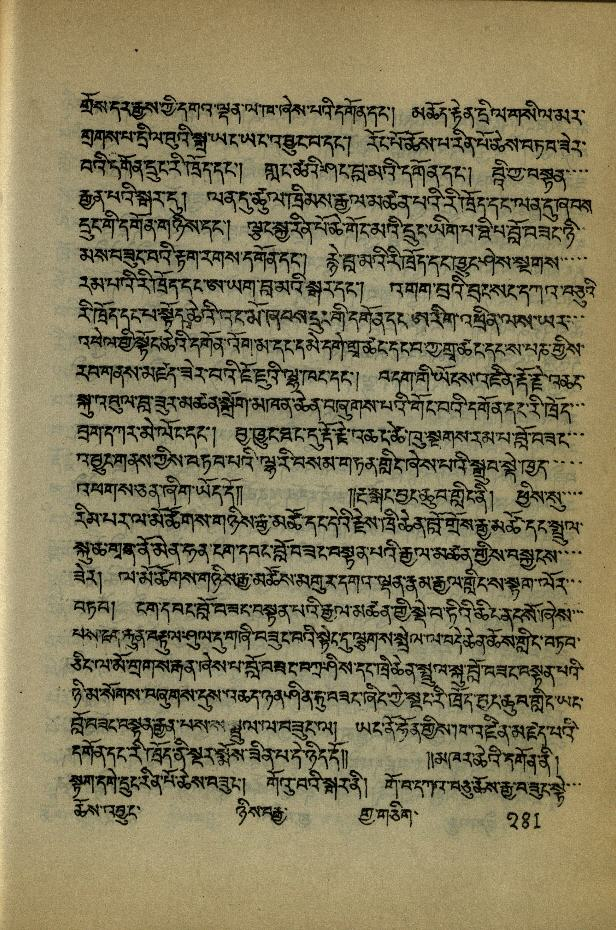གྲོས་དར་རྒྱས་ཀྱི་དགའ་ལྡན་ལ་ཁ་ཞེས་པའི་དགོན་དང་། མཆོད་རྟེན་དྲིལ་གསིལ་མར་
གྲགས་པ་དྲིལ་བུའི་སྒྲ་ཡང་ཡང་འབྱུང་བ་དང་། རོང་པོ་ཆོས་པ་རིན་པོ་ཆེས་བཏབ་ཟེར་
བའི་དགོན་དྲུང་རི་ཁྲོད་དང་། གླང་ཚའི་ཤང་བླ་མའི་དགོན་དང་། བའི་ཀྱ་བསྟན་
རྒྱན་པའི་སྒར་དུ། ལན་དུ་ཚུལ་ཁྲིམས་རྒྱལ་མཚན་པའི་རི་ཁྲོད་དང་ལན་དུ་ཞབས་
དྲུང་གི་དགོན་གཉིས་དང་། ལྕང་སྐྱ་རིན་པོ་ཆེ་གོང་མའི་དྲུང་ཡིག་པ་ཐི་པ་བློ་བཟང་ཉི་
མས་བཟུང་བའི་རྟག་རགས་དགོན་དང་། རྙེ་བླ་མའི་རི་ཁྲོད་དང་ཁྱུང་ཤེས་སྔགས་
རམ་པའི་རི་ཁྲོད་དང་ཨ་ཡག་བླ་མའི་སྒྲ་དང་། འགག་བྲའི་བྲང་སང་དཀའ་བཅུའི་
རི་ཁྲོད་དང་པ་སྟོད་ཆེའི་འང་མོ་ཞབས་དྲུང་གི་དགོན་དང་ཨ་རིག་འཕྲིན་ལས་ཡར་
འཕེལ་གྱི་སྟོང་ཆེའི་དགོན་འོག་མ་དང་དམེ་དགེ་གྲྭ་ཚང་དང་བ་ཀྱ་གྲྭ་ཚང་དང་ས་པཎ་གྱིས་
རབ་གནས་མཛད་ཟེར་བའི་ཇོ་ཇུའི་ལྷ་ཁང་དང་། བདག་གི་ཡོངས་འཛིན་རྡོ་རྗེ་འཆང་
སྐུ་འབུལ་བླ་ཟུར་མཚན་སྒྲོག་མཁན་ཆེན་བཞུགས་པའི་གོང་བའི་དགོན་དང་རི་ཁྲོད་
བྲག་དཀར་མེ་ལོང་དང་། བྱ་ཁྱུང་ཐང་དུ་རྡོ་རྗེ་འཆང་ཚེ་ཁུ་སྔགས་རམ་པ་བློ་བཟང་
འབྱུང་གནས་ཀྱིས་བཏབ་པའི་ལྷ་རི་བསམ་གཏན་གླིང་ཞེས་པའི་སྒྲུབ་སྡེ་ཁྱད་
འཕགས་ཅན་ཞིག་ཡོད་དོ།། །།རྔ་སྒང་བྱང་ཆུབ་གླིང་ནི། ཕྱིས་སུ་
རིམ་པར་ལ་མོ་ཚོགས་གཉིས་རྒྱ་མཚོ་དང་དེའི་རྗེས་ཁྲི་ཆེན་བློ་གྲོས་རྒྱ་མཚོ་དང་སྤྲུལ་
སྐུ་ཆ་གྭད་ནོ་མེན་ཧན་ངག་དབང་བློ་བཟང་བསྟན་པའི་རྒྱལ་མཚན་གྱིས་བསྐྱངས་
ཟེར། ལ་མོ་ཚོགས་གཉིས་རྒྱ་མཚོས་མགུར་དགའ་ལྡན་རྣམ་རྒྱལ་གླིང་ས་སྟག་ལོར་
བཏབ། ངག་དབང་བློ་བཟང་བསྟན་པའི་རྒྱལ་མཚན་གྱི་སྡེ་བ་ཏིའི་ཆིང་ནང་སོ་ཞེས་
པས་?་རྐུན་བརྟུལ་ཤུལ་དུ་གཞི་བཟུང་བའི་སྟེང་དུ་ལྕགས་སྤྲེལ་ལ་བདེ་ཆེན་ཆོས་གླིང་བཏབ་
ཅིང་ལ་མོ་གྲགས་རྒན་ཞེས་པ་བློ་བཟང་བཀྲ་ཤིས་དང་ཁྲི་ཆེན་སྤྲུལ་སྐུ་བློ་བཟང་བསྟན་པའི་
ཉི་མ་སོགས་བཞུགས་དུས་འཆད་ཉན་ཤིན་ཏུ་བཟང་ཞིང་ཀྱེ་སྡང་རི་ཁྲོད་བྱང་ཆུབ་གླིང་ཡང་
བློ་བཟང་བསྟན་རྒྱན་པས་ས་སྦྲུལ་ལ་བཟུང་ལ། ཡང་ནོ་ཧོན་གྱིས་ཁ་འཛིན་མཛད་པའི་
དགོན་དང་རི་ཁྲོད་ནི་སྔར་སྨོས་ཟིན་པ་དེ་ཉིད་དོ།། །།མཁར་ཆེའི་དགོན་ནི།
སྟག་དགེ་དྲུང་རིན་པོ་ཆེས་བཟུང་། གོའུ་བའི་སྒར་ནི། གོ་བ་དཀའ་བཅུ་ཆོས་རྒྱ་བཟུང་སྟེ་